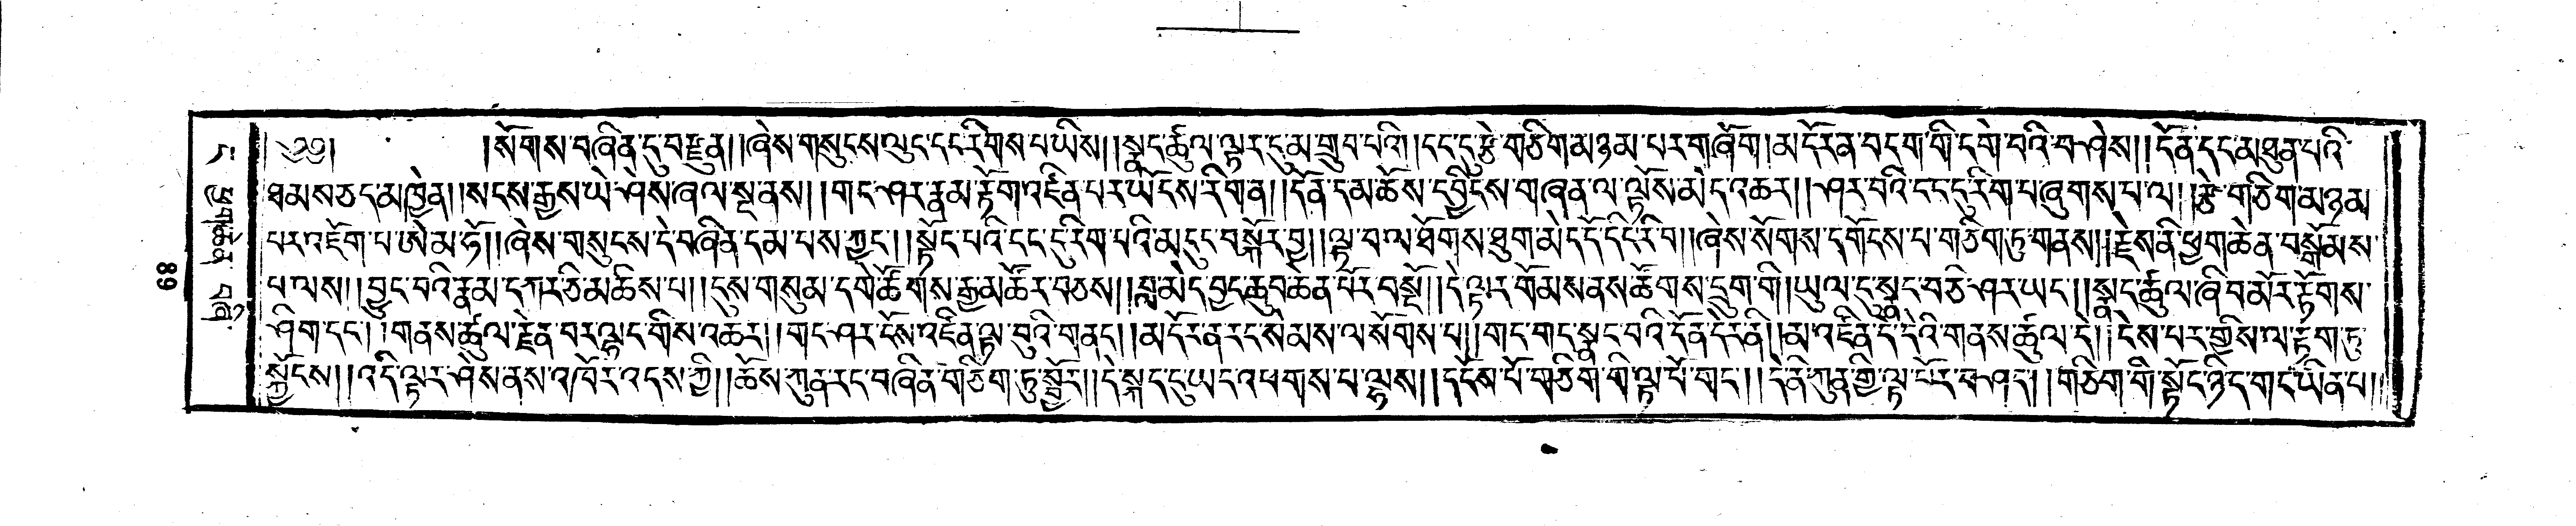༄༅། །སོགས་བཞིན་དུ་བརྫུན། །ཞེས་གསུངས་ལུང་དང་རིགས་པ་ཡིས། །སྣང་ཚུལ་ལྟར་དུ་མ་གྲུབ་པའི། །ངང་དུ་རྩེ་གཅིག་མཉམ་པར་གཞོག །མདོར་ན་བདག་གི་དགེ་བའི་བཤེས། །དོན་དང་མཐུན་པའི་
ཐམས་ཅད་མཁྱེན། །སངས་རྒྱས་ཡེ་ཤེས་ཞལ་སྔ་ནས། །གང་ཤར་རྣམ་རྟོག་འཛིན་པར་ཡོངས་རིག་ན། །དོན་དམ་ཆོས་དབྱིངས་གཞན་ལ་ལྟོས་མེད་འཆར། །ཤར་བའི་ངང་དུ་རིག་པ་ཞུགས་པ་ལ། །རྩེ་གཅིག་མཉམ་
པར་འཇོག་པ་ཨེ་མ་ཧོ། །ཞེས་གསུངས་དེ་བཞིན་དམ་པས་ཀྱང་། །སྟོང་པའི་ངང་དུ་རིག་པའི་མདུང་བསྐོར་བྱ། །ལྟ་བ་ལ་ཐོགས་ཐུག་མེད་དོ་དིང་རི་བ། །ཞེས་སོགས་དགོངས་པ་གཅིག་ཏུ་གནས། །རྗེས་ནི་ཕྱག་ཆེན་བསྒོམས་
པ་ལས། །བྱུང་བའི་རྣམ་དཀར་ཅི་མཆིས་པ། །དུས་གསུམ་དགེ་ཚོགས་རྒྱ་མཚོར་བཅས། །བླ་མེད་བྱང་ཆུབ་ཆེན་པོར་བསྔོ། །དེ་ལྟར་གོམས་ནས་ཚོགས་དྲུག་གི །ཡུལ་དུ་སྣང་བ་ཅི་ཤར་ཡང་། །སྣང་ཚུལ་ཞིབ་མོར་རྟོགས་
ཤིག་དང་། །གནས་ཚུལ་རྗེན་པར་ལྷང་གིས་འཆར། །གང་ཤར་ངོས་འཛིན་ལྟ་བུའི་གནང་། །མདོར་ན་རང་སེམས་ལ་སོགས་པ། །གང་གང་སྣང་བའི་དོན་དེར་ནི། །མ་འཛྷིན་དེ་དེའི་གནས་ཚུལ་དེ། །ངེས་པར་གྱིས་ལ་རྟག་ཏུ་
སྐྱོངས། །འདི་ལྟར་ཤེས་ནས་འཁོར་འདས་ཀྱི། །ཆོས་ཀུན་རང་བཞིན་གཅིག་ཏུ་སྦྱོར། །དེ་སྐད་དུ་ཡང་འཕགས་པ་ལྷས། །དངོས་པོ་གཅིག་གི་ལྟ་པོ་གང་། །དེ་ནི་ཀུན་གྱི་ལྟ་པོར་བཤད། །གཅིག་གི་སྟོང་ཉིད་གང་ཡིན་པ། །